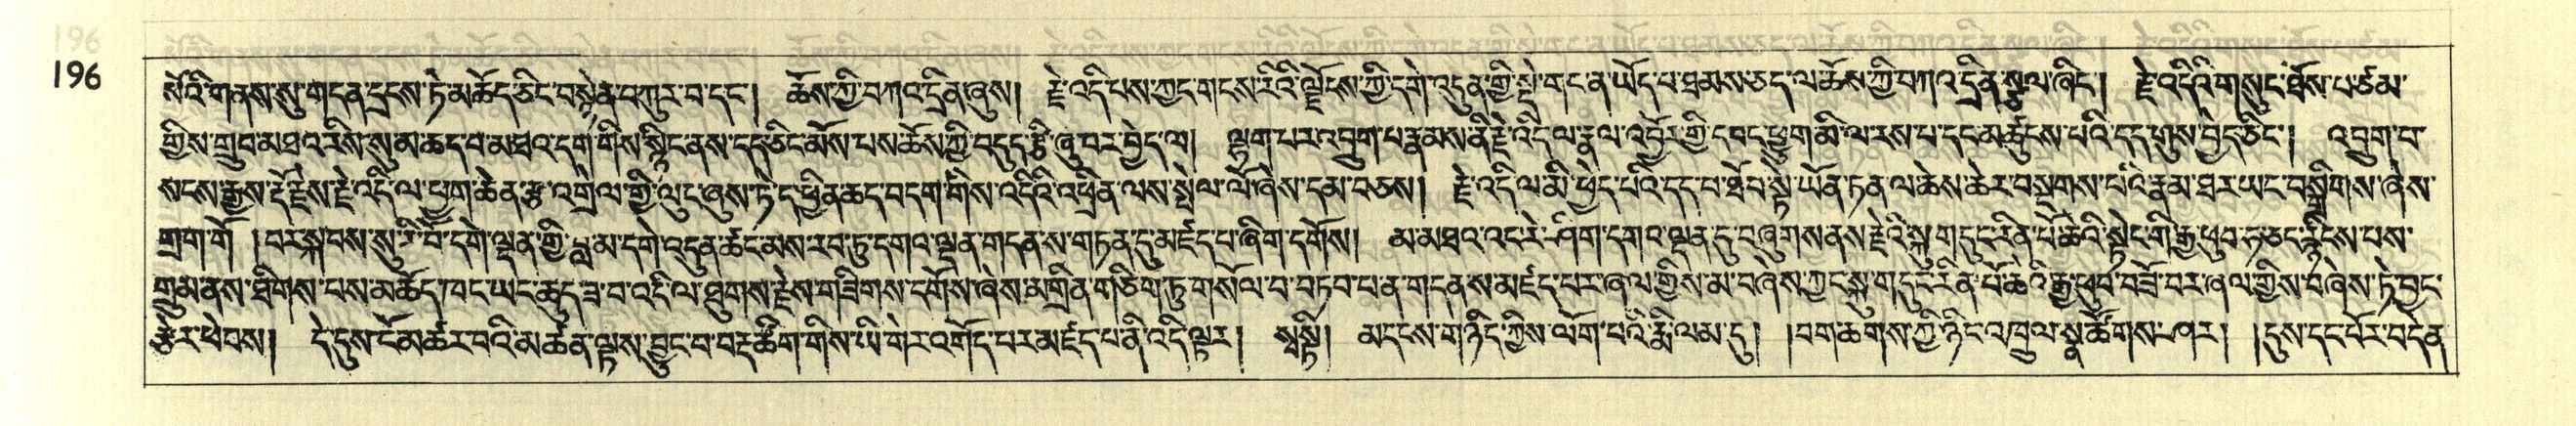སོའི་གནས་སུ་གདན་དྲངས་ཏེ་མཆོད་ཅིང་བསྙེན་བཀུར་བ་དང་། ཆོས་ཀྱི་བཀའ་དྲིན་ཞུས། རྗེ་འདི་པས་ཀྱང་གངས་རིའི་ལྗོངས་ཀྱི་དགེ་འདུན་གྱི་སྡེ་གང་ན་ཡོད་པ་ཐམས་ཅད་ལ་ཆོས་ཀྱི་བཀའ་དྲིན་སྩལ་ཞིང་། རྗེ་འདིའི་གསུང་ཐོས་པ་ཙམ་
གྱིས་གྲུབ་མཐའ་རིས་སུ་མ་ཆད་བ་མཐའ་དག་གིས་སྙིང་ནས་དད་ཅིང་མོས་པས་ཆོས་ཀྱི་བདུད་རྩི་ཞུ་བར་བྱེད་ལ། ལྷག་པར་འབྲུག་པ་རྣམས་ནི་རྗེ་འདི་ལ་རྣལ་འབྱོར་གྱི་དབང་ཕྱུག་མི་ལ་རས་པ་དང་མཚུངས་པའི་དད་གུས་བྱེད་ཅིང་། འབྲུག་པ་
སངས་རྒྱས་རྡོ་རྗེས་རྗེ་འདི་ལ་ཕྱག་ཆེན་རྩ་འགྲེལ་གྱི་ལུང་ཞུས་ཏེ་ད་ཕྱིན་ཆད་བདག་གིས་འདིའི་འཕྲིན་ལས་སྤེལ་ལོ་ཞེས་དམ་བཅས། རྗེ་འདི་ལ་མི་ཕྱེད་པའི་དད་པ་ཐོབ་སྟེ་ཡོན་ཏན་ལ་ཆེས་ཆེར་བསྔགས་པའི་རྣམ་ཐར་ཡང་བསྒྲིགས་ཞེས་
གྲག་གོ །བར་སྐབས་སུ་རི་བོ་དགེ་ལྡན་གྱི་བླ་མ་དགེ་འདུན་ཚང་མས་རབ་ཏུ་དགའ་ལྡན་གདན་ས་གཏན་དུ་མཛད་པ་ཞིག་དགོས། མ་མཐའ་འང་རེ་ཤིག་དགའ་ལྡན་དུ་བཞུགས་ནས་རྗེའི་སྐུ་གདུང་རིན་པོ་ཆེའི་སྟེང་གི་རྒྱ་ཕུབ་ཧ་ཅང་རྙིངས་པས་
གྲུམ་ནས་ཐིགས་པས་མཆོད་ཁང་ཡང་ཆུད་ཟ་བ་འདི་ལ་ཐུགས་རྗེས་གཟིགས་དགོས་ཞེས་མགྲིན་གཅིག་ཏུ་གསོལ་བ་བཏབ་པ་ན་གདན་ས་མཛད་པར་ཞལ་གྱིས་མ་བཞེས་ཀྱང་སྐུ་གདུང་རིན་པོ་ཆེའི་རྒྱ་ཕུབ་བཟོ་བར་ཞལ་གྱིས་བཞེས་ཏེ་བྱང་
རྩེར་ཕེབས། དེ་དུས་ངོ་མཚར་བའི་མཚན་ལྟས་བྱུང་བ་བརྡ་ཚིག་གིས་ཡི་གེར་འགོད་པར་མཛད་པ་ནི་འདི་ལྟར། སྭསྟི། མདངས་གཉིད་ཀྱིས་ལོག་པའི་རྨི་ལམ་དུ། །བག་ཆགས་ཀྱི་ཉིང་འཁྲུལ་སྣ་ཚོགས་ཤར། །དུས་དང་པོར་བདེན་